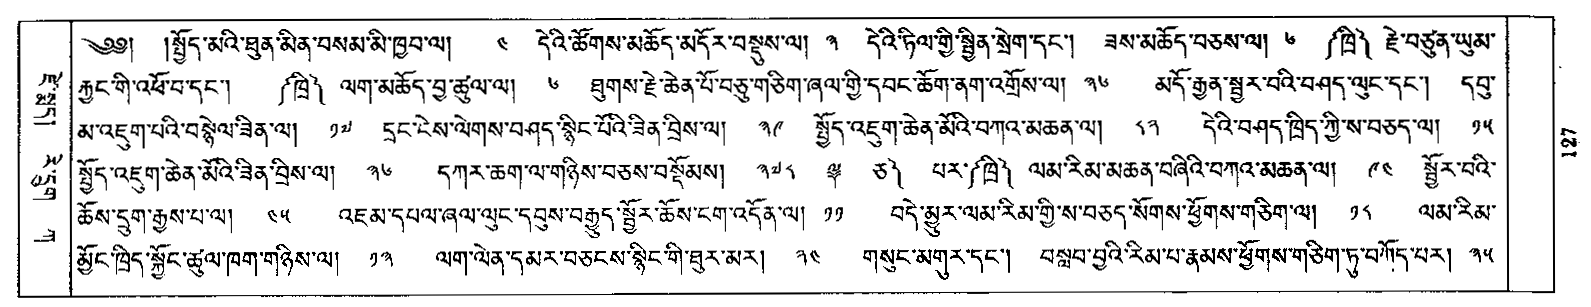༄༅། །སྤྱོད་མའི་ཐུན་མིན་བསམ་མི་ཁྱབ་ལ། ༤་དེའི་ཚོགས་མཆོད་མདོར་བསྡུས་ལ། ༣་དེའི་ཏིལ་གྱི་སྦྱིན་སྲེག་དང་། ཟས་མཆོད་བཅས་ལ། ༦་ཁྲ྄ི་རྗེ་བཙུན་ཡུམ་
རྐྱང་གི་འཕོ་བ་དང་། ཁྲ྄ི་ལག་མཆོད་བྱ་ཚུལ་ལ། ༦་ཐུགས་རྗེ་ཆེན་པོ་བཅུ་གཅིག་ཞལ་གྱི་དབང་ཆོག་ནག་འགྲོས་ལ། ༣༦་མདོ་རྒྱན་སྦྱར་བའི་བཤད་ལུང་དང་། དབུ་
མ་འཇུག་པའི་བསྙེལ་ཟིན་ལ། ༡༧་དྲང་ངེས་ལེགས་བཤད་སྙིང་པོའི་ཟིན་བྲིས་ལ། ༣༩་སྤྱོད་འཇུག་ཆེན་མོའི་བཀའ་མཆན་ལ། ༨༢་དེའི་བཤད་ཁྲིད་ཀྱི་ས་བཅད་ལ། ༡༥
སྤྱོད་འཇུག་ཆེན་མོའི་ཟིན་བྲིས་ལ། ༣༦་དཀར་ཆག་ལ་གཉིས་བཅས་བསྡོམས། ༣༧༨་༈ ཅ྄་པར་ཁྲ྄ི་ལམ་རིམ་མཆན་བཞིའི་བཀའ་མཆན་ལ། ༩༤་སྦྱོར་བའི་
ཆོས་དྲུག་རྒྱས་པ་ལ། ༤༥་འཇམ་དཔལ་ཞལ་ལུང་དབུས་བརྒྱུད་སྦྱོར་ཆོས་ངག་འདོན་ལ། ༡༡་བདེ་མྱུར་ལམ་རིམ་གྱི་ས་བཅད་སོགས་ཕྱོགས་གཅིག་ལ། ༡༨་ལམ་རིམ་
མྱོང་ཁྲིད་སྐྱོང་ཚུལ་ཁག་གཉིས་ལ། ༡༣་ལག་ལེན་དམར་བཅངས་སྙིང་གི་ཐུར་མར། ༢༤་གསུང་མགུར་དང་། བསླབ་བྱའི་རིམ་པ་རྣམས་ཕྱོགས་གཅིག་ཏུ་བཀོད་པར། ༣༥